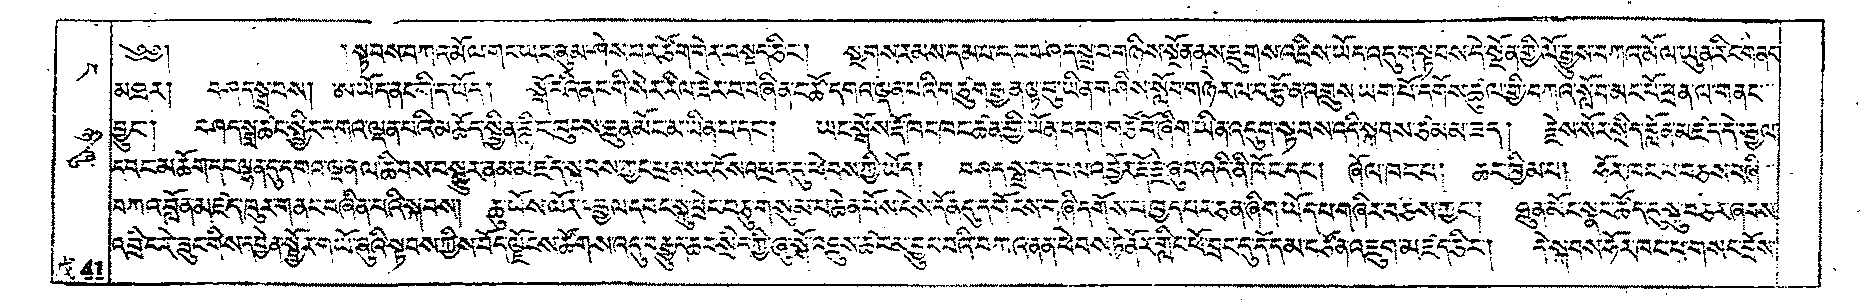༄༅། །སྟབས་བཀའ་མོལ་གང་ཡང་ཞུ་མ་ཤེས་པར་ཙོག་གེར་བསྡད་ཅིང་། སྔགས་རམས་དམ་པ་དང་བཤད་སྒྲ་བ་གཉིས་སྔོན་ནས་ཐུགས་འདྲིས་ཡོད་འདུག་སྟབས་དེ་སྔོན་གྱི་ལོ་རྒྱུས་བཀའ་མོལ་ཡུན་རིང་གནང་
མཐར། བཤད་སྒྲ་བས། ཨ་ཡོད་ནང་གི་ད་ཡོད། སྒོ་ངའི་ནང་གི་སེར་རིལ་ཟེར་བ་བཞིན་ང་ཚོ་དགའ་ལྡན་པའི་གཙུག་རྒྱན་ལྟ་བུ་ཡིན་གཤིས་སློབ་གཉེར་ལ་བརྩོན་འགྲུས་ཡག་པོ་དགོས་ཚུལ་གྱི་བཀའ་སློབ་མང་པོ་ཕྲན་ལ་གནང་
བྱུང་། བཤད་སྒྲ་ཚང་སྤྱིར་དགའ་ལྡན་པའི་མཆོད་སྦྱིན་རྙིང་ཁུངས་ཐུན་མོང་མ་ཡིན་པ་དང་། ཡང་སྒོས་རྡོ་ཁང་ཁང་ཚན་གྱི་ཡོན་བདག་གཙོ་བོ་ཞིག་ཡིན་འདུག་སྟབས་འདི་སྐབས་ཙམ་མ་ཟད། རྗེས་སོར་སྲིད་བློན་མཛད་དེ་༧རྒྱལ་
དབང་མཆོག་དང་ལྷན་དུ་དགའ་ལྡན་ལ་ཆིབས་བསྒྱུར་ནམ་མཛད་སྐབས་ཀྱང་ཕྲན་སར་ངོས་འཕྲད་དུ་ཕེབས་ཀྱི་ཡོད། བཤད་སྒྲ་བ་དཔལ་འབྱོར་རྡོ་རྗེ་ཞུ་བ་འདི་ནི་ཁོང་དང་། ཞོལ་ཁང་པ། ཆང་ཁྱིམ་པ། ཧོར་ཁང་པ་བཅས་པ་ཞི་
བཀའ་བློན་མཛད་ཁུར་གནང་བཞིན་པའི་སྐབས། ཆུ་ཡོས་ལོར་༧རྒྱལ་དབང་སྐུ་ཕྲེང་བཅུ་གསུམ་པ་ཆེན་པོས་ངེས་དོན་དུ་དགོངས་གཞི་དགོས་པ་ཁྱད་པར་ཅན་ཞིག་ཡོད་པ་གཞིར་བཅས་ཀྱང་། ཐུན་མོང་སྣང་ཚོད་དུ་སྐུ་བཅར་ཞབས་
འབྲིང་རེ་ཟུང་གིས་དབྱེན་སྦྱོར་གཡོ་ཞུའི་སྟབས་ཀྱི་ས་བོད་ལྗོངས་ཚོགས་འདུ་བརྒྱུད་ཆབ་སྲིད་ཀྱི་ཞུ་སྒོ་འཐུས་ཚང་མ་བྱུང་བའི་བཀའ་ནན་ཕེབས་ཏེ་ནོར་གླིང་ཕོ་བྲང་དུ་དོ་དམ་བཙོན་འཇུག་མཛད་ཅིང་། དེ་སྐབས་ཧོར་ཁང་པ་གསང་བྲོས་